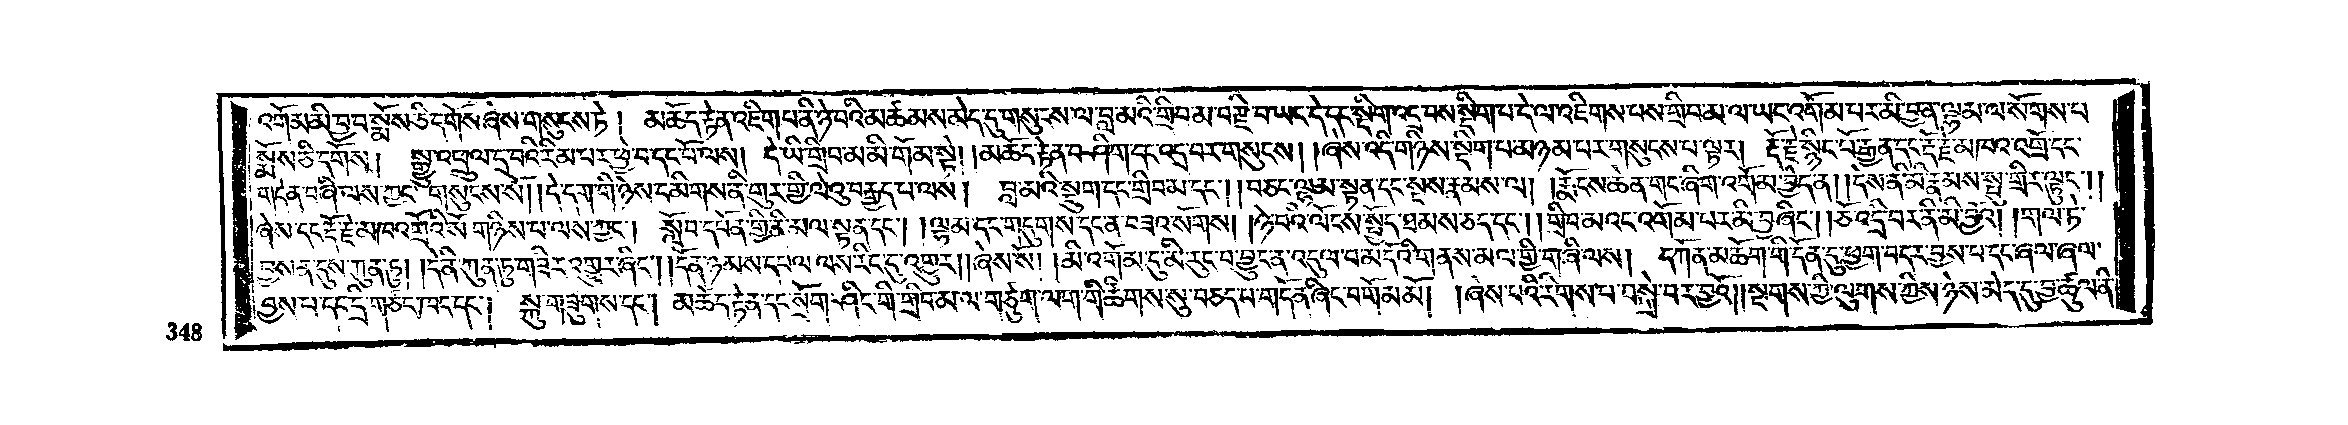འགོམ་མི་བྱ་བ་སྨོས་ཅི་དགོས་ཞེས་གསུངས་ཏེ། མཆོད་རྟེན་འཇིག་པ་ནི་ཉེ་བའི་མཚམས་མེད་དུ་གསུངས་ལ་བླ་མའི་གྲིབ་མ་བརྫི་བ་ཡང་དེ་དང་སྡིག་འདྲ་བས་སྡིག་པ་དེ་ལ་འཇིགས་པས་གྲིབ་མ་ལ་ཡང་འགོམ་པར་མི་བྱ་ན་ལྷམ་ལ་སོགས་པ་
སྨོས་ཅི་དགོས། སྒྱུ་འཕྲུལ་དྲ་བའི་རིམ་པར་ཕྱེ་བ་དང་པོ་ལས། དེ་ཡི་གྲིབ་མ་མི་གོམ་སྟེ། །མཆོད་རྟེན་བཤིག་དང་འདྲ་བར་གསུངས། །ཞེས་འདི་གཉིས་སྡིག་པ་མཉམ་པར་གསུངས་པ་ལྟར། རྡོ་རྗེ་སྙིང་པོ་རྒྱན་དང་རྡོ་རྗེ་མཁའ་འགྲོ་དང་
གདེན་བཞི་ལས་ཀྱང་གསུངས་སོ། །དེ་དག་གི་ཉེས་དམིགས་ནི་གུར་གྱི་ལེའུ་བརྒྱད་པ་ལས། བླ་མའི་སྡུག་དང་གྲིབ་མ་དང་། །བཅང་ལྷམ་སྟན་དང་སྔས་རྣམས་ལ། །རྨོངས་ཆེན་གང་ཞིག་འགོམ་བྱེད་ན། །དེས་ནི་མི་རྣམས་སྤུ་གྲིར་ལྟུང་། །
ཞེས་དང་རྡོ་རྗེ་མཁའ་འགྲོའི་སོ་གཉིས་པ་ལས་ཀྱང་། སློབ་དཔོན་གྱི་ནི་མལ་སྟན་དང་། །ལྷམ་དང་གདུགས་དང་ན་བཟའ་སོགས། །ཉེ་བའི་ལོངས་སྤྱོད་ཐམས་ཅད་དང་། །གྲིབ་མའང་འགོམ་པར་མི་བྱ་ཞིང་། །ཅོ་འདྲི་བར་ནི་མི་བྱའོ། །གལ་ཏེ་
བྱས་ན་དུས་ཀུན་ཏུ། །དེ་ནི་ཀུན་ཏུ་གཟིར་འགྱུར་ཞིང་། །དོན་ཉམས་དཔལ་ལས་རིང་དུ་འགྱུར། །ཞེས་སོ། །མི་འགོམ་དུ་མི་རུང་བ་བྱུང་ན་འདུལ་བ་མདོའི་གནས་མལ་གྱི་གཞི་ལས། དཀོན་མཆོག་གི་དོན་དུ་ཕྱག་བདར་བྱས་པ་དང་ཞལ་ཞལ་
བྱས་པ་དང་དྲི་གཙང་ཁང་དང་། སྐུ་གཟུགས་དང་། མཆོད་རྟེན་དང་སྲོག་ཤིང་གི་གྲིབ་མ་ལ་གཙུག་ལག་གི་ཚིགས་སུ་བཅད་པ་གདོན་ཞིང་བགོམ་མོ། །ཞེས་པའི་རིགས་པ་བསྐྲེ་བར་བྱའོ། །སྔགས་ཀྱི་ལུགས་ཀྱིས་ཉེས་མེད་དུ་བྱ་ཚུལ་ནི་